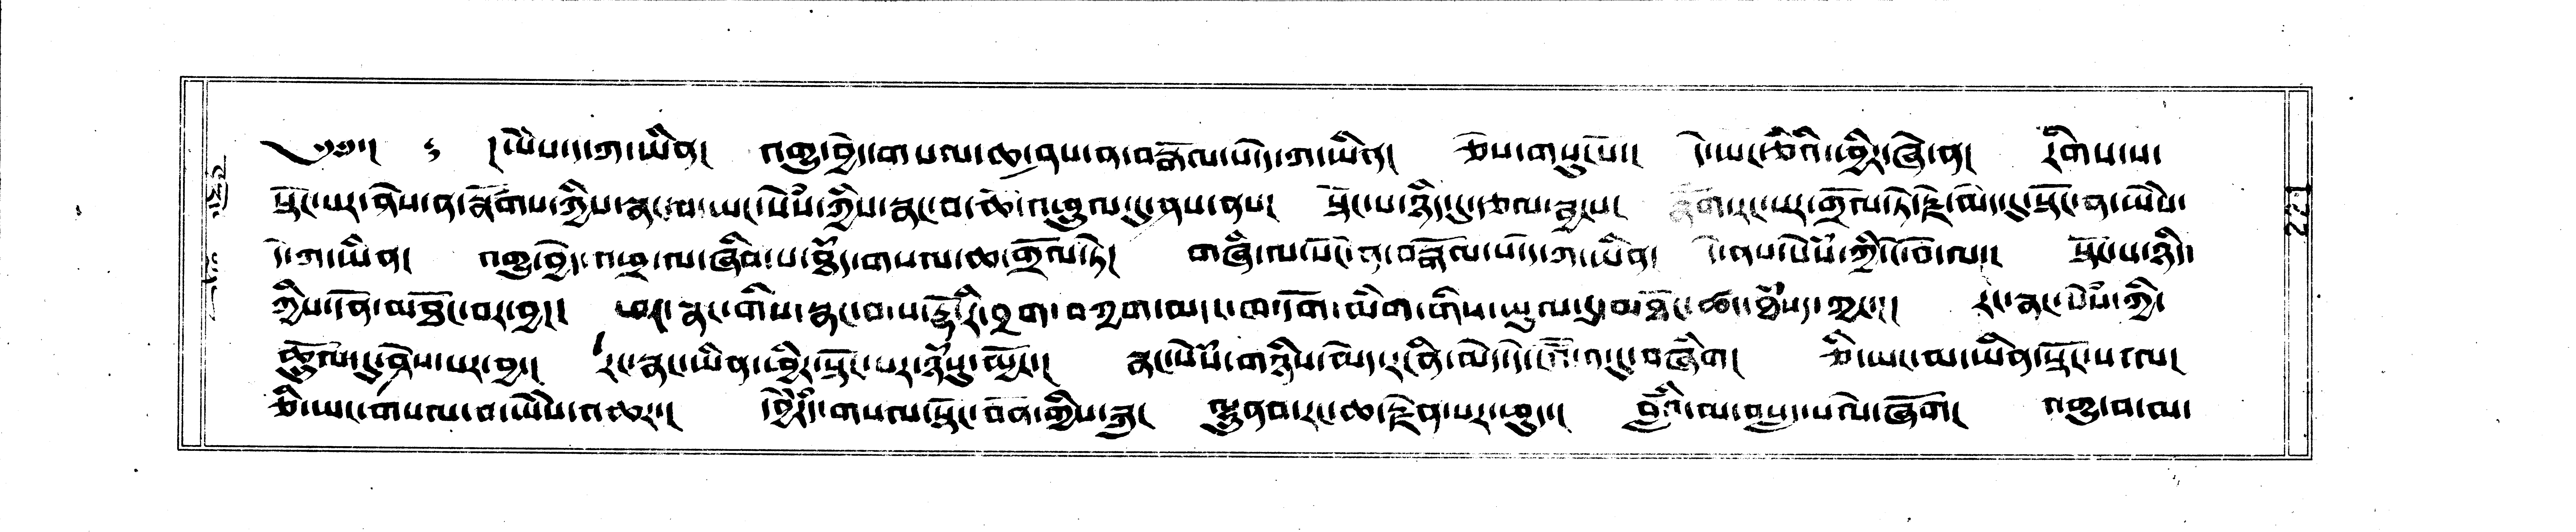ཡེ་ཤེས་དེ་ཀ་ཡིན། འགྱུ་བྱེད་གསལ་ཆར་ཤེས་ན་སྒོམ་པ་དེ་ཀ་ཡིན། ཅེས་གསུངས་སོ། དེ་ཡང་ཅིའི་ཕྱིར་ཞེ་ན། རིག་པ་
སྟོང་པར་ཤེས་ན། སྣ་ཚོགས་ཀྱིས་སྣང་བ་ཡང་སེམས་ཀྱིས་ཆོ་འཕྲུལ་དུ་ཤེས་ནས། སྟོང་པ་ཉིད་རྩལ་སྦྱངས། རྣམ་རྟོག་རང་སར་གྲོལ་ཏེ་རྗེས་མེད་དུ་སྟོང་ན། ཡེ་ཤེས་
དེ་ཀ་ཡིན། འགྱུ་བྱེད་ཕྲ་”ལ”ཞིབ་པ་ཐམས་ཅད་གསལ་ཆར་འགྲོ་སྟེ་གཞི་ལས་སངས་ན་སྒོམ་པ་དེ་ཀ་ཡིན། དེ་ནས་སེམས་ཀྱི་ངོའོ་ལ། སྟོང་པ་ཉིད་
ཀྱིས་དོན་མཐོང་པར་བྱ། ཕར་སྣང་གིས་སྣང་བ་ས་རྡོ་རི་བྲག་རྩི་ཤིང་ཐམས་ཅད་ཀྱང་། མིག་གིས་ཡུལ་དུ་མཐོང་ཚད་ཐམས་ཅད་ཀྱང་། རང་སྣང་སེམས་ཀྱི་
ཆོ་འཕྲུལ་དུ་ཤེས་པར་བྱ། རང་སྣང་ཡིན་ཕྱིར་སྟོང་པར་ཉམས་སུ་མྱོང་། རང་‘‘སྣང”སེམས་གཉིེས་མེད་རང་བཞིན་མེད་དེ་ངོའོ་གཅིག་ཏུ་བཞག ཅི་ཡང་མ་ཡིན་སྟོང་པ་ལ། 
ཅིར་ཡང་གསལ་བའི་ཡེ་ཤེས་འཆར། དབྱེར་མེད་གསལ་སྟོང་བོན་གྱི་སྐུ། ལྷུན་གྲུབ་རང་ཆས་རྗེན་པར་ཕུད། བློའི་མ་བསླད་སལེ་ཞོག འགྱུ་བས་